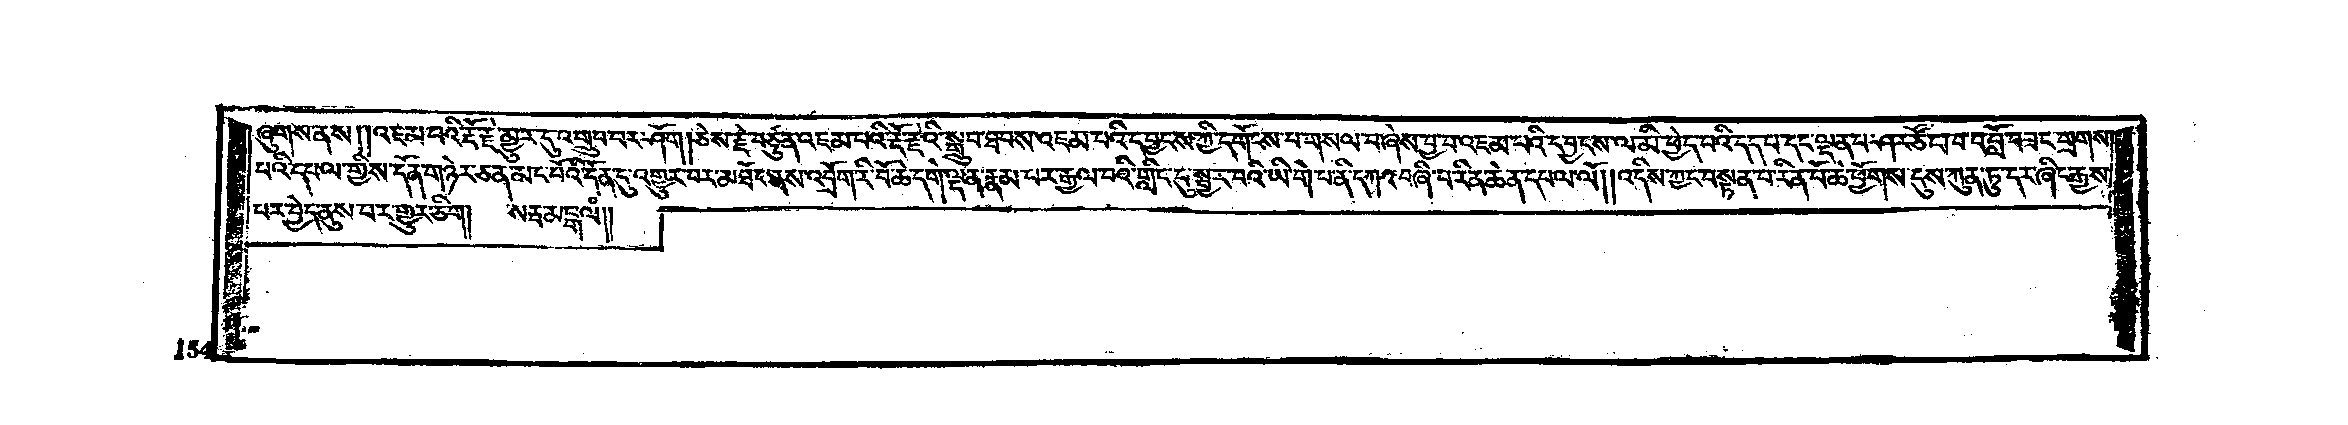ཞུགས་ནས། །འཇམ་པའི་རྡོ་རྗེ་མྱུར་དུ་འགྲུབ་པར་ཤོག །ཅེས་རྗེ་བཙུན་འཇམ་པའི་རྡོ་རྗེའི་སྒྲུབ་ཐབས་འཇམ་པའི་དབྱངས་ཀྱི་དགོངས་པ་གསལ་བ་ཞེས་བྱ་བ་འཇམ་པའི་དབྱངས་ལ་མི་ཕྱེད་པའི་དད་པ་དང་ལྡན་པ་ཤར་ཙོང་ཁ་པ་བློ་བཟང་གྲགས་
པའི་དཔལ་གྱིས་དོན་གཉེར་ཅན་མང་པོའི་དོན་དུ་འགྱུར་བར་མཐོང་ནས་འབྲོག་རི་བོ་ཆེ་དགེ་ལྡན་རྣམ་པར་རྒྱལ་བའི་གླིང་དུ་སྦྱར་བའི་ཡི་གེ་པ་ནི་དཀའ་བཞི་བ་རིན་ཆེན་དཔལ་ལོ། །འདིས་ཀྱང་བསྟན་པ་རིན་པོ་ཆེ་ཕྱོགས་དུས་ཀུན་ཏུ་དར་ཞིང་རྒྱས་
པར་བྱེད་ནུས་པར་གྱུར་ཅིག །སརྦ་མངྒ་ལཾ། །